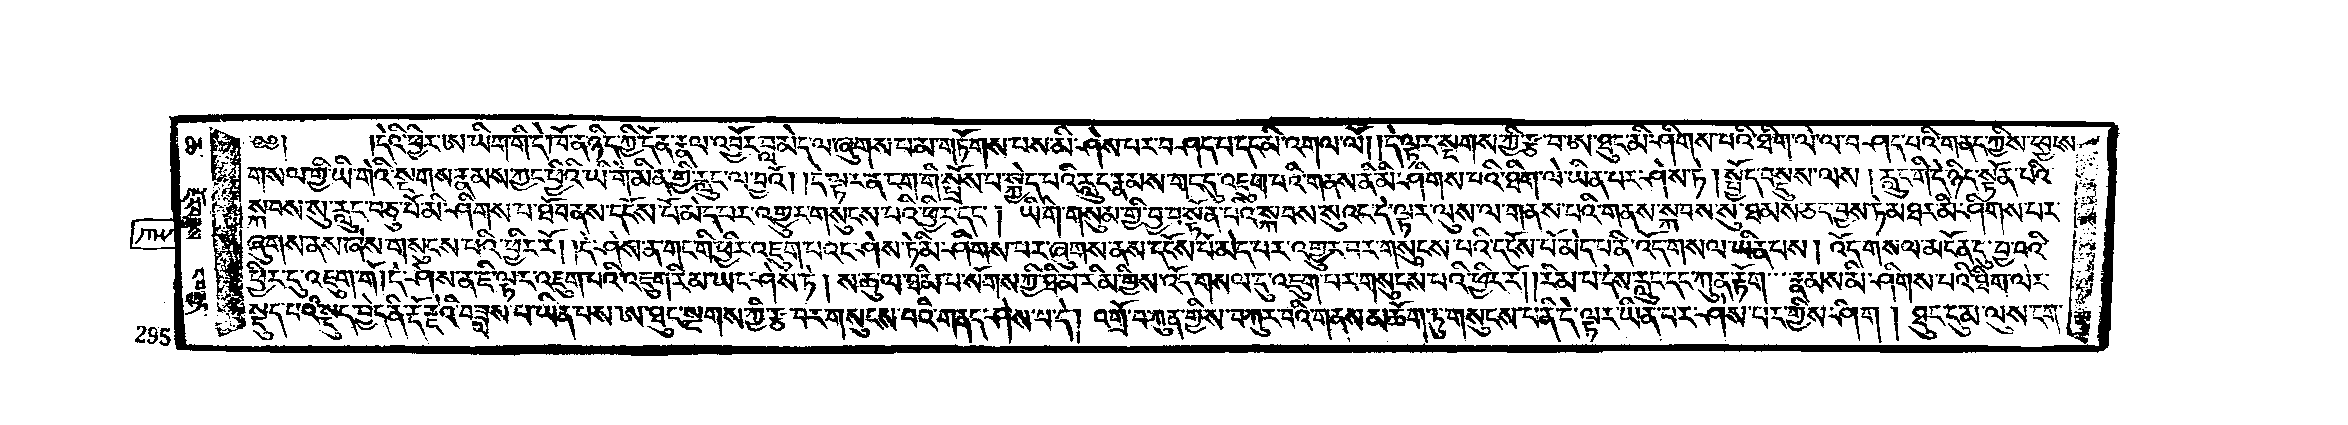༄༅། །དེའི་ཕྱིར་ཨ་ཡིག་གི་དེ་ཁོ་ན་ཉིད་ཀྱི་དོན་རྣལ་འབྱོར་བླ་མེད་ལ་ཞུགས་པ་མ་གཏོགས་པས་མི་ཤེས་པར་བཤད་པ་དང་མི་འགལ་ལོ། །དེ་ལྟར་སྔགས་ཀྱི་རྩ་བ་ཨ་ཐུང་མི་ཤིགས་པའི་ཐིག་ལེ་ལ་བཤད་པའི་གནད་ཀྱིས་དབྱངས་
གསལ་གྱི་ཡི་གེའི་སྔགས་རྣམས་ཀྱང་ཕྱིའི་ཡི་གེ་མིན་གྱི་རླུང་ལ་བྱའོ། །དེ་ལྟར་ན་ངག་གི་སྤྲོས་པ་སྐྱེད་པའི་རླུང་རྣམས་གང་དུ་འཇུག་པའི་གནས་ནི་མི་ཤིགས་པའི་ཐིག་ལེ་ཡིན་པར་ཤེས་ཏེ། སྤྱོད་བསྡུས་ལས། རླུང་གི་དེ་ཉིད་སྟོན་པའི་
སྐབས་སུ་རླུང་བཅུ་པོ་མི་ཤིགས་པ་ཐོབ་ནས་དངོས་པོ་མེད་པར་འགྱུར་གསུངས་པའི་ཕྱིར་དང་། ཡི་གེ་གསུམ་གྱི་བྱ་བ་སྟོན་པའི་སྐབས་སུའང་དེ་ལྟར་ལུས་ལ་གནས་པའི་གནས་སྐབས་སུ་ཐམས་ཅད་བྱས་ཏེ་མཐར་མི་ཤིགས་པར་
ཞུགས་ནས་ཞེས་གསུངས་པའི་ཕྱིར་རོ། །དེ་ཤེས་ན་གང་གི་ཕྱིར་འཇུག་པའང་ཤེས་ཏེ་མི་ཤིགས་པར་ཞུགས་ནས་དངོས་པོ་མེད་པར་འགྱུར་བར་གསུངས་པའི་དངོས་པོ་མེད་པ་ནི་འོད་གསལ་ཡིན་པས། འོད་གསལ་མངོན་དུ་བྱ་བའི་
ཕྱིར་དུ་འཇུག་གོ །དེ་ཤེས་ན་ཇི་ལྟར་འཇུག་པའི་འཇུག་རིམ་ཡང་ཤེས་ཏེ། ས་ཆུ་ལ་ཐིམ་པ་སོགས་ཀྱི་ཐིམ་རིམ་གྱིས་འོད་གསལ་དུ་འཇུག་པར་གསུངས་པའི་ཕྱིར་རོ། །རིམ་པ་དེས་རླུང་དང་ཀུན་རྟོག་རྣམས་མི་ཤིགས་པའི་ཐིག་ལེར་
སྡུད་པའི་སྡུད་བྱེད་ནི་རྡོ་རྗེའི་བཟླས་པ་ཡིན་པས་ཨ་ཐུང་སྔགས་ཀྱི་རྩ་བར་གསུངས་པའི་གནད་ཤེས་པ་དེ། འགྲོ་བ་ཀུན་གྱིས་བཀུར་བའི་གནས་མཆོག་ཏུ་གསུངས་པ་ནི་དེ་ལྟར་ཡིན་པར་ཤེས་པར་གྱིས་ཤིག །ཐུང་དུ་མ་ལུས་ངག་